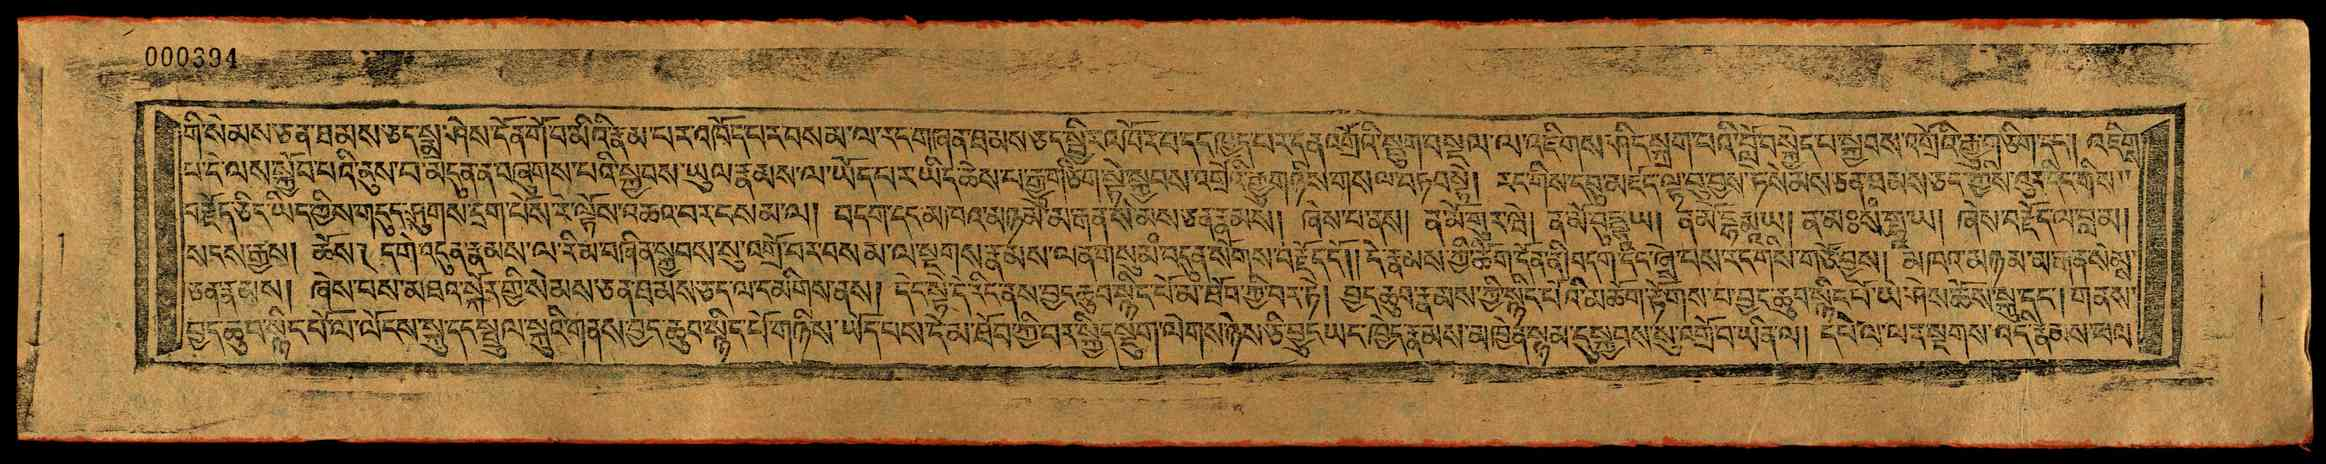གི་སེམས་ཅན་ཐམས་ཅད་སྨྲ་ཤེས་དོན་གོ་མིའི་རྣམ་པར་འཁོད་པར་བསམ་ལ་རང་གཞན་ཐམས་ཅད་སྤྱིར་འཁོར་བ་དང་ཁྱད་པར་ངན་འགྲོའི་སྡུག་བསྔལ་ལ་འཇིགས་ཤིང་སྐྲག་པའི་བློ་བསྐྱེད་པ་སྐྱབས་འགྲོའི་རྒྱུ་གཅིག་དང་། འཇིགས་
པ་དེ་ལས་སྐྱོབ་པའི་ནུས་པ་མདུན་ན་བཞུགས་པའི་སྐྱབས་ཡུལ་རྣམས་ལ་ཡོད་པར་ཡིད་ཆེས་པ་རྒྱུ་གཅིག་སྟེ་སྐྱབས་འགྲོའི་རྒྱུ་གཉིས་གསལ་བཏབ་སྟེ། རང་གིས་དབུ་མཛད་ལྟ་བུ་བྱས་ཏེ་སེམས་ཅན་ཐམས་ཅད་ཀྱིས་འུར་དིང་གིས་
བརྗོད་ཅིང་ཡིད་ཀྱིས་གདུང་ཤུགས་དྲག་པོས་རེ་ལྟོས་འཆའ་བར་བསམ་ལ། བདག་དང་མཁའ་མཉམ་མ་རྒན་སེམས་ཅན་རྣམས། ཞེས་པ་ནས། ན་མོ་གུར་ཝེ། ན་མོ་བུདྡྷཱ་ཡ། ན་མོ་དྷརྨཱ་ཡ། ན་མཿ སཾ་གྷཱ་ཡ། ཞེས་བརྗོད་ལ་བླ་མ།
སངས་རྒྱས། ཆོས༑ དགེ་འདུན་རྣམས་ལ་རིམ་བཞིན་སྐྱབས་སུ་འགྲོ་བར་བསམ་ལ་སྔགས་རྣམས་ལན་གསུམ་མ་བདུན་སོགས་བརྗོད་དོ། །དེ་རྣམས་ཀྱི་ཚིག་དོན་ནི། བདག་དང་ཞེས་པས་རང་གིས་གཙོ་བྱས། མཁའ་མཉམ་མ་རྒན་སེམས་
ཅན་རྣམས། ཞེས་པས་མཐའ་སྐོར་གྱི་སེམས་ཅན་ཐམས་ཅད་ལ་དམིགས་ནས། དེང་སྟེ་དེ་རིང་ནས་བྱང་ཆུབ་སྙིང་པོ་མ་ཐོབ་ཀྱི་བར་ཏེ། བྱང་ཆུབ་རྣམས་ཀྱི་སྙིང་པོའི་མཆོག་རྟོགས་པ་བྱང་ཆུབ་སྙིང་པོ་ཡེ་ཤེས་ཆོས་སྐུ་དང་། གནས་
བྱང་ཆུབ་སྙིང་པོ་ལ་ལོངས་སྐུ་དང་སྤྲུལ་སྐུའི་གནས་བྱང་ཆུབ་སྙིང་པོ་གཉིས་ཡོད་པས་དེ་མ་ཐོབ་ཀྱི་བར་སྐྱེད་སྡུག་ལེགས་ཉེས་ཅི་བྱུང་ཡང་ཁྱེད་རྣམས་མཁྱེན་སྙམ་དུ་སྐབས་སུ་འགྲོ་བ་ཡིན་པ། དཔེལ་ལར་སྔགས་འདི་རྣམས་ཕལ་